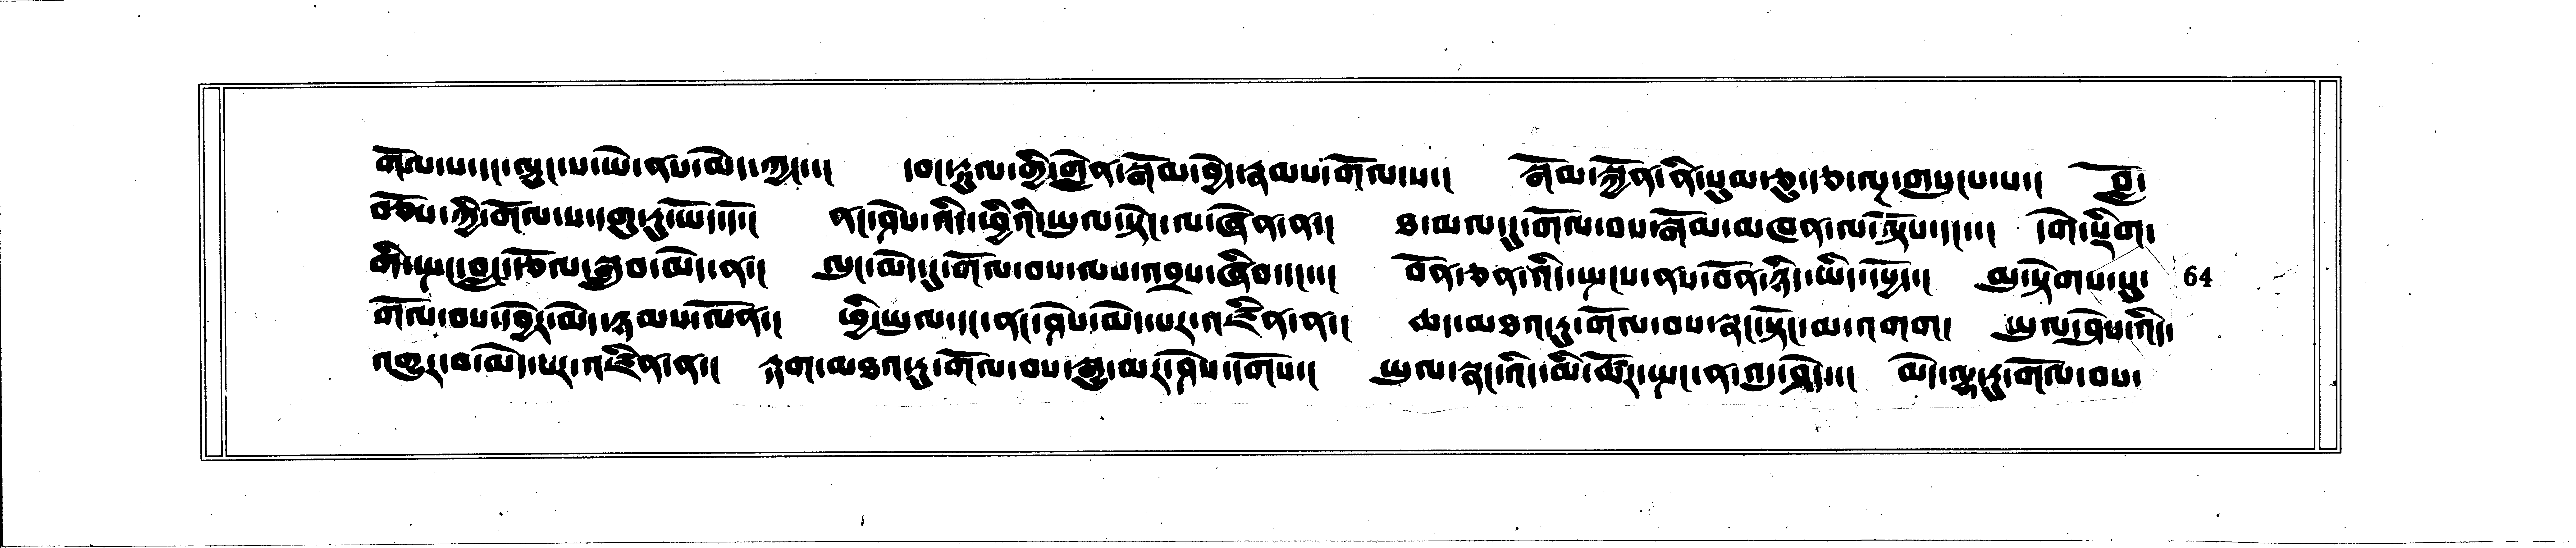གོལ་ས་དང་ལྟུང་ས་ཡེ་ནས་མེད་ཀྱང་། །དབང་རྟུལ་གྱི་གླེན་སྒོམ་བྱེད་རྣམས་གོལ་ས། །སྒོམ་སྐྱོན་ནི་སུམ་ཅུ་རྩ་ལྔ་གསུངས་པ། །བློ་
བཅོས་ཀྱི་སྒོམ་པ་དགུ་རུ་ཡོད་དོ། །ནང་ཤེས་འདི་ཕྱིའི་ཡུལ་སྟོང་ལ་ཞེན་ན། །ཐ་མལ་དུ་གོལ་བས་སྒོམ་མཁན་ལ་ལྟོས་དང་། །དགེ་སྡིག་
གི་སྤང་བླང་རྩོལ་སྒྲུབ་མེད་ན། །ལུང་མེད་དུ་གོལ་བས་ལས་འབྲས་ཞིབ་དང་། །བོན་ཅན་འདི་སྤངས་ནས་བོན་ཉིད་ཡིད་དཔྱོད། །མུ་སྟེགས་སུ་
གོལ་བས་དབྱེར་མེད་ཉམས་ལོན། །ཕྱི་ཡུལ་དང་ནང་ཤེས་མེད་པར་འཛིན་ན། །ཆད་མཐའ་རུ་གོལ་བས་སྣང་སྟོང་མ་འགག །ཡུལ་ཤེས་འདི་
འགྱུར་བ་མེད་པར་འཛིན་ན། །རྟག་མཐའ་རུ་གོལ་བས་སྒྱུ་མར་ཤེས་དགོས། །ཡུལ་སྣང་འདི་མི་ཚོར་སྤངས་ན་འདུ་ཤེས། །མེད་ལྷ་རུ་གོལ་བས་